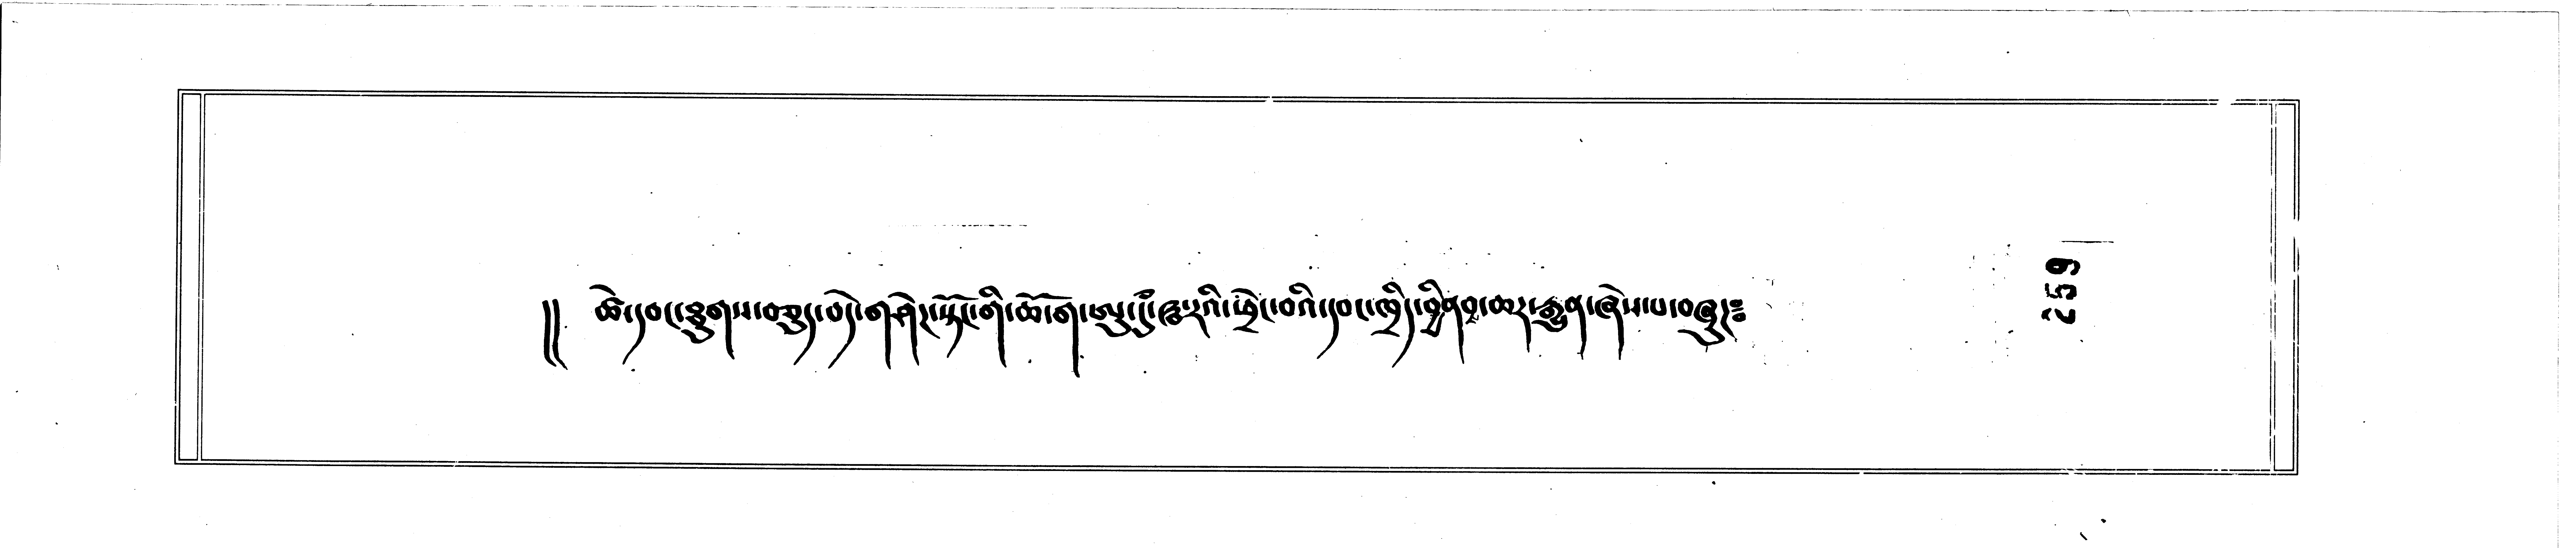ཚེ་དབང་ཐུགས་བཅུད་བདེར་གཤེགས་སྟོང་གི་ཆོ་ག་ཨུ་དུམ་ཝ་རའི་ཕྲེང་བའི་དབང་ཁྲིད་བྱིན་རླབས་ཆར་རྒྱུན་ཞེས་པ་བཞུགས།